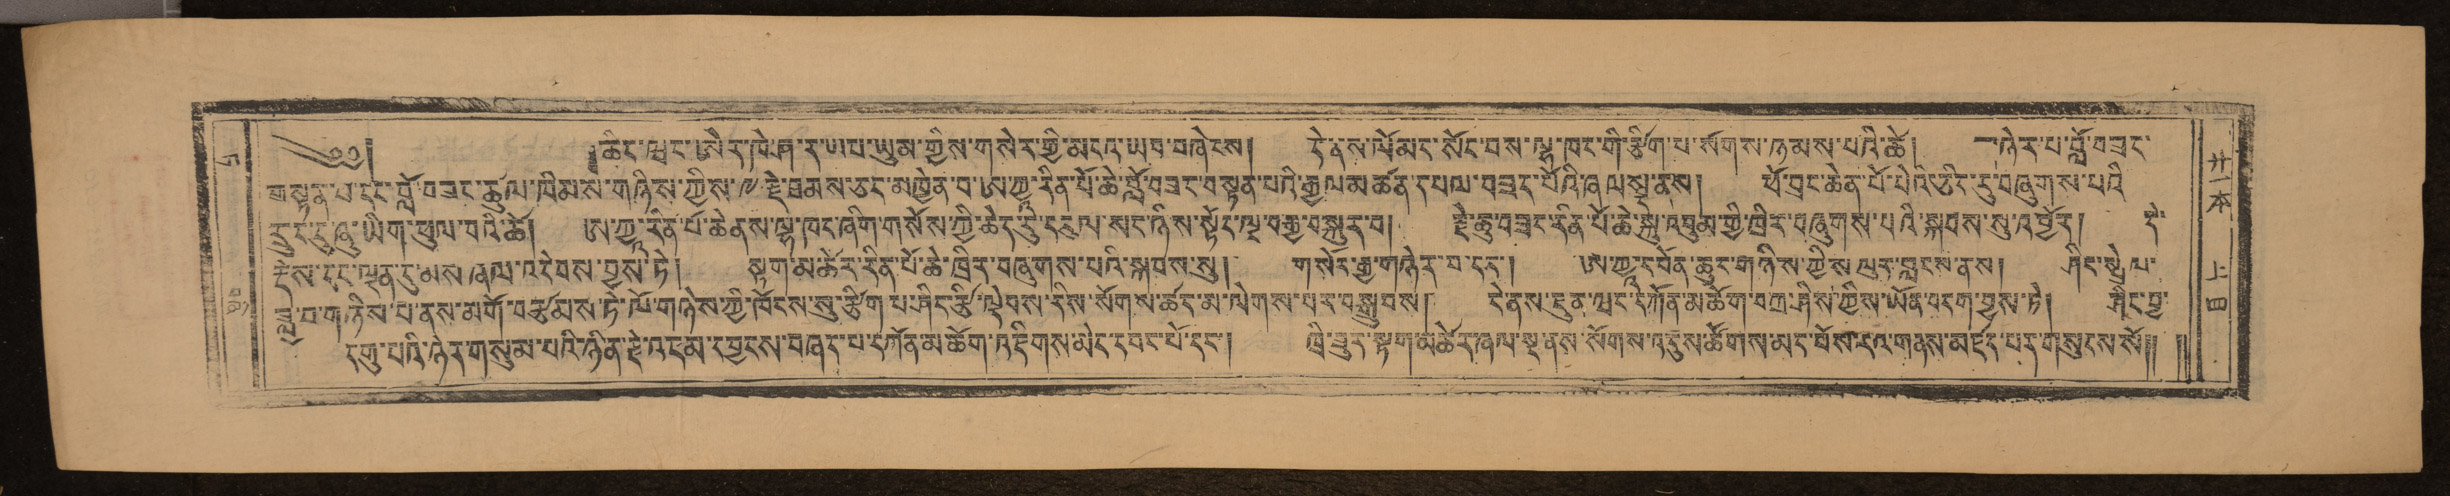༄༅། །ཆིང་ཝང་ཨེར་ཁེ་ཤར་ཡབ་ཡུམ་གྱིས་གསེར་གྱི་མདའ་ཡབ་བཞེངས། དེ་ནས་ལོ་མང་སོང་བས་ལྷ་ཁང་གི་རྩིག་པ་སོགས་ཉམས་པའི་ཚེ། གཉེར་པ་བློ་བཟང་
བསྟན་པ་དང་བློ་བཟང་ཚུལ་ཁྲིམས་གཉིས་ཀྱིས་༧་རྗེ་ཐམས་ཅད་མཁྱེན་པ་ཨ་ཀྱ་རིན་པོ་ཆེ་བློ་བཟང་བསྟན་པའི་རྒྱལ་མཚན་དཔལ་བཟང་པོའི་ཞལ་སྔ་ནས། ཕོ་བྲང་ཆེན་པོ་པེའི་ཅིང་དུ་བཞུགས་པའི་
དྲུང་དུ་ཞུ་ཡིག་ཕུལ་བའི་ཚེ། ཨ་ཀྱཱ་རིན་པོ་ཆེ་ནས་ལྷ་ཁང་ཞིག་གསོས་ཀྱི་ཆེད་དུ་དངུལ་སྲང་ཉིས་སྟོང་ལྔ་བརྒྱ་བསྐུར་བ། རྗེ་ཆུ་བཟང་རིན་པོ་ཆེ་སྐུ་འབུམ་གྱི་ཁྲིར་བཞུགས་པའི་སྐབས་སུ་འབྱོར། དེ་
རྗེས་དང་ལྡན་དུ་མས་ཞལ་འདེབས་བྱས་ཏེ། སྟག་མཚེར་རིན་པོ་ཆེ་ཁྲིར་བཞུགས་པའི་སྐབས་སུ། གསོར་རྒྱ་གཉེར་པ་དང་། ཨ་ཀྱཱ་དབོན་ཆུང་གཉིས་ཀྱིས་ཁུར་བླངས་ནས། ཤིང་སྤྲེལ་
ཟླ་བ་གཉིས་པ་ནས་མགོ་བརྩམས་ཏེ་ལོ་གཉིས་ཀྱི་ཁོངས་སུ་རྩིག་པ་ཤིང་རྩི་ལྡེབས་རིས་སོགས་ཚད་མ་ལེགས་པར་བསྒྲུབས། དེ་ནས་ཇུན་ཝང་དཀོན་མཆོག་བཀྲ་ཤིས་ཀྱིས་ཡོན་བདག་བྱས་ཏེ། ཤིང་བྱ་
ཧོར་ཟླ་དགུ་པའི་ཉེར་གསུམ་པའི་ཉིན་རྗེ་འཇམ་དབྱངས་བཞད་པ་དཀོན་མཆོག་འཇིགས་མེད་དབང་པོ་དང་། ཁྲི་ཟུར་སྟག་མཚེར་ཞལ་སྔ་ནས་སོགས་འདུས་ཚོགས་མང་པོས་རབ་གནས་མཛད་པར་གསུངས་སོ།། །།